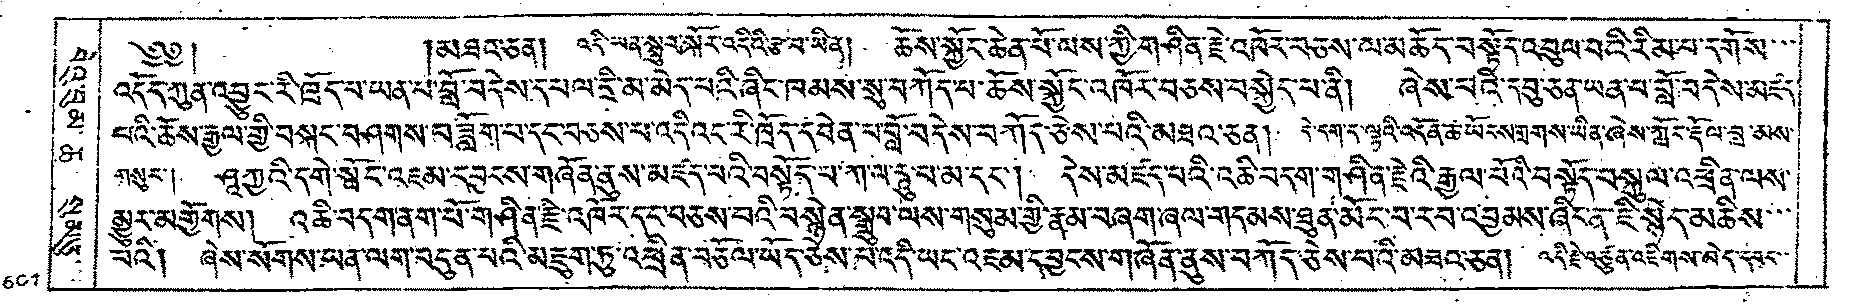༄༅། །མཐའ་ཅན། འདི་ཡན་སྒྲུབ་སྐོར་འདིའི་རྩ་བ་ཡིན།  ཆོས་སྐྱོང་ཆེན་པོ་ལས་ཀྱི་གཤིན་རྗེ་འཁོར་བཅས་ལ་མཆོད་བསྟོད་འབུལ་བའི་རིམ་པ་དགོས་
འདོད་ཀུན་འབྱུང་རི་ཁྲོད་པ་ཡན་པ་བློ་བདེས་དཔལ་དྲི་མ་མེད་པའི་ཞིང་ཁམས་སུ་བཀོད་པ་ཆོས་སྐྱོང་འཁོར་བཅས་བསྐྱེད་པ་ནི། ཞེས་པའི་དབུ་ཅན་ཡན་པ་བློ་བདེས་མཛད་
པའི་ཆོས་རྒྱལ་གྱི་བསྐང་བཤགས་བཟློག་པ་དང་བཅས་པ་འདིའང་རི་ཁྲོད་དབེན་པ་བློ་བདེས་བཀོད་ཅེས་པའི་མཐའ་ཅན། དེ་དག་ད་ལྟའི་འདོན་ཆ་ཡོངས་གྲགས་ཡིན་ཞེས་ཀློང་རྡོལ་བླ་མས་
གསུང་། ཤཱཀྱའི་དགེ་སློང་འཇམ་དབྱངས་གཞོན་ནུས་མཛད་པའི་བསྟོད་པ་ཀ་ལ་རཱུ་པ་མ་དང་། དེས་མཛད་པའི་འཆི་བདག་གཤིན་རྗེའི་རྒྱལ་པོའི་བསྟོད་བསྐུལ་འཕྲིན་ལས་
མྱུར་མགྱོགས། འཆི་བདག་ནག་པོ་གཤིན་རྗེ་འཁོར་དང་བཅས་པའི་བསྙེན་སྒྲུབ་ལས་གསུམ་གྱི་རྣམ་བཞག་ཞལ་གདམས་ཐུན་མོང་བ་རབ་འབྱམས་ཞིང་ན་ཇི་སྙེད་མཆིས་
པའི། ཞེས་སོགས་ཡན་ལག་བདུན་པའི་མཇུག་ཏུ་འཕྲིན་བཅོལ་ཡོད་ཅེས་པ་འདི་ཡང་འཇམ་དབྱངས་གཞོན་ནུས་བཀོད་ཅེས་པའི་མཐའ་ཅན། འདི་རྗེ་བཙུན་འཇིགས་མེད་དབང་